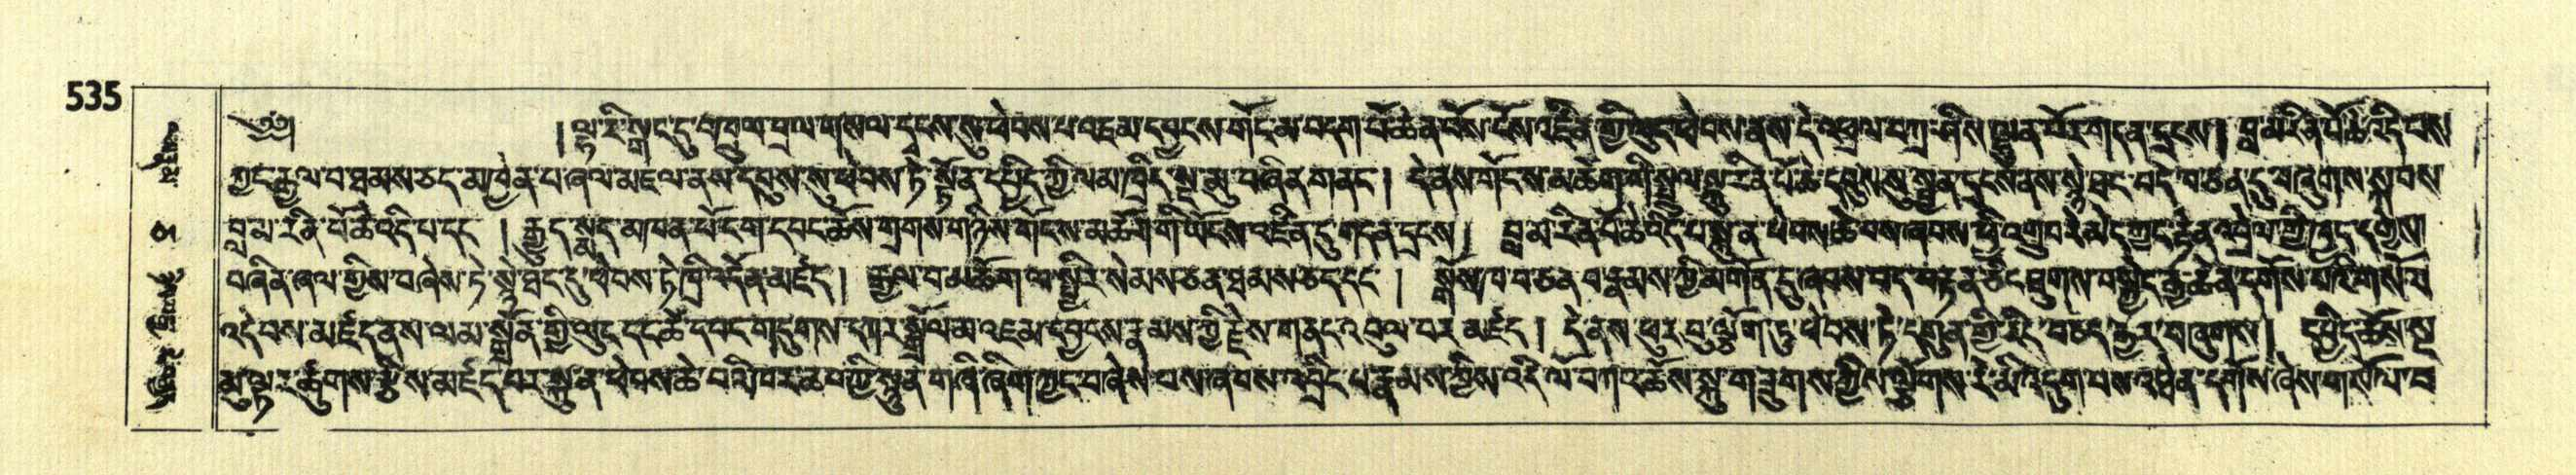༄༅། །ལྷ་རི་སྒང་དུ་འཁྲུལ་བྲལ་གསལ་དྭངས་སུ་ཕེབས་པ་འཇམ་དབྱངས་གོང་མ་བདག་པོ་ཆེན་པོས་ངོས་འཛིན་གྱི་ལུང་ཕེབས་ནས་དེ་འཕྲལ་བཀྲ་ཤིས་ལྷུན་པོར་གདན་དྲངས། བླ་མ་རིན་པོ་ཆེ་འདི་པས་
ཀྱང་རྒྱལ་བ་ཐམས་ཅད་མཁྱེན་པ་ཞལ་མཇལ་ནས་དབུས་སུ་ཕེབས་ཏེ་སྟོན་དཔྱིད་ཀྱི་ལམ་ཁྲིད་སྔ་མུ་བཞིན་གནང་། དེ་ནས་གོང་ས་མཆོག་གི་སྤྲུལ་སྐུ་རིན་པོ་ཆེ་དབུས་སུ་སྤྱན་དྲངས་ནས་སྙེ་ཐང་བདེ་བ་ཅན་དུ་བཞུགས་སྐབས་
བླ་མ་རིན་པོ་ཆེ་འདི་པ་དང་།རྒྱུད་སྨད་མཁན་པོ་ངག་དབང་ཆོས་གྲགས་གཉིས་གོངས་མཆོག་གི་ཡོངས་འཛིན་དུ་གདན་དྲངས། བླ་མ་རིན་པོ་ཆེ་འདི་པ་སྐུ་ན་ཕེབས་ཆེ་བས་ཞབས་ཕྱི་འགྲུབ་རེ་མེད་ཀྱང་རྟེན་འབྲེལ་གྱི་ཁྱད་དགྱེས།
བཞིན་ཞལ་གྱིས་བཞེས་ཏེ་སྙེ་ཐང་དུ་ཕེབས་ཏེ་ཁྲི་འདོན་མཛད། རྒྱལ་བ་མཆོག་ལ་སྤྱིར་སེམས་ཅན་ཐམས་ཅད་དང་། སྒོས་ཁ་བ་ཅན་བ་རྣམས་ཀྱི་མགོན་དུ་ཞབས་པད་བརྟན་ཅིང་ཐུགས་བསྐྱེད་རྒྱ་ཆེན་དགོས་པའི་གསོལ་
འདེབས་མཛད་ནས་ལམ་སྒྲོན་གྱི་ལུང་དང་ཚེ་དབང་གདུགས་དཀར་སྒྲོལ་མ་འཇམ་དབྱངས་རྣམས་ཀྱི་རྗེས་གནང་འབུལ་བར་མཛད། དེ་ནས་ཕུར་བུ་ལྕོག་ཏུ་ཕེབས་ཏེ་དགུན་གྱི་རིང་བཅད་རྒྱར་བཞུགས། དཔྱིད་ཆོས་སྔ་
མུ་ལྟར་ཚུགས་རྩིས་མཛད་པར་སྐུ་ན་ཕེབས་ཆེ་བའི་ཁར་ཆབ་ཀྱི་སྙུན་གཞི་ཞིག་ཀྱང་བཞེས་པས་ཞབས་འབྲིང་བ་རྣམས་ཀྱིས་འདི་ལོ་བཀའ་ཆོས་སྐུ་གཟུགས་ཀྱིས་ལྕོགས་རི་མི་འདུག་པས་འཐེན་དགོས་ཞེས་གསོལ་བ་